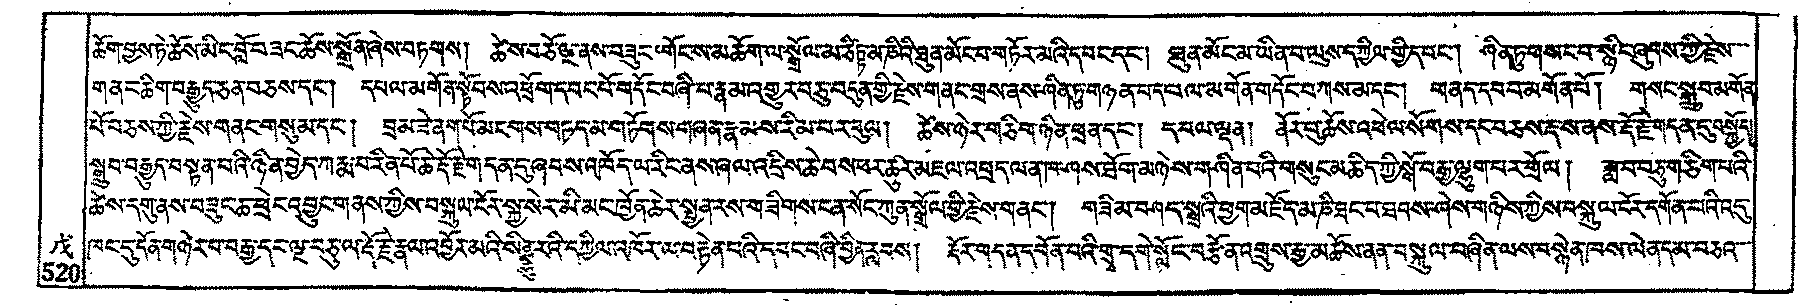ཆོག་བྱས་ཏེ་ཆོས་མིང་བློ་བཟང་ཆོས་སྒྲོན་ཞེས་བཏགས། ཚེས་བཅོ་ལྔ་ནས་བཟུང་༧གོང་ས་མཆོག་ལ་སྒྲོལ་མ་ཙིཏྟ་མ་ཎིའི་ཐུན་མོང་བ་གཏོར་མའི་དབང་དང་། ཐུན་མོང་མ་ཡིན་པ་ལུས་དཀྱིལ་གྱི་དབང་། ཤིན་ཏུ་གསང་བ་སྙིང་ཞུགས་ཀྱི་རྗེས་
གནང་ཆིག་བརྒྱུད་ཅན་བཅས་དང་། དཔལ་མགོན་སྟོབས་འཕྲོག་དབང་པོ་གདོང་བཞི་པ་རྣམ་འགྱུར་བཅུ་བདུན་གྱི་རྗེས་གནང་གྲས་ནས་ཤིན་ཏུ་གཉན་པ་དཔལ་མགོན་གདོང་བཀས་མ་དང་། གནད་དབབ་མགོན་པོ། གསང་སྒྲུབ་མགོན་
པོ་བཅས་ཀྱི་རྗེས་གནང་གསུམ་དང་། བྲམ་ཟེ་ནག་པོ་མངགས་གཏད་མ་གཏོགས་གཞན་རྣམས་རིམ་པར་ཕུལ། ཚེས་ཉེར་གཅིག་ཉིན་ཕྲན་དང་། དཔལ་ལྡན། ནོར་བུ་ཆོས་འཕེལ་སོགས་དང་བཅས་རྡ་ས་ནས་རྡོ་རྗེ་གདན་དུ་བསྐྱོད།
སྒྲུབ་བརྒྱུད་བསྟན་པའི་ཉིན་བྱེད་ཀརྨ་པ་རིན་པོ་ཆེ་རྡོ་རྗེ་གདན་དུ་ཞབས་འཁོད་ལ་རིང་ནས་ཞལ་འདྲིས་ཆེ་བས་ཕར་ཚུར་མཇལ་འཕྲད་ལན་ཁ་ཤས་ཐོག་མཉེས་གཤིན་པའི་གསུང་མཆིད་ཀྱི་སྒོ་བརྒྱ་ལྷུག་པར་གྲོལ། ཟླ་བ་བཅུ་གཅིག་པའི་
ཚེས་དགུ་ནས་བཟུང་ཆ་ཕྲེང་འབྱུང་གནས་ཀྱིས་བསྐུལ་ངོར་སྐྱ་སེར་མི་མང་ཁྱོན་ཆེར་སྤྱན་རས་གཟིགས་ངན་སོང་ཀུན་སྒྲོལ་གྱི་རྗེས་གནང་། གཟིམ་བཤད་སྒྲའི་ཕྱག་མཛོད་མ་ཎི་ཐང་པ་ཐབས་ཤེས་གཉིས་ཀྱིས་བསྐུལ་ངོར་དགོན་པའི་འདུ་
ཁང་དུ་དོན་གཉེར་བ་བརྒྱ་དང་ལྔ་བཅུ་ལ་རྡོ་རྗེ་རྣལ་འབྱོར་མའི་སནྡྷུ་རའི་དཀྱིལ་འཁོར་ལ་བརྟེན་པའི་དབང་བཞི་བྱིན་རླབས། རྡོར་གདན་དགོན་པའི་གྲྭ་དགེ་སློང་བརྩོན་འགྲུས་རྒྱ་མཚོས་ནན་བསྐུལ་བཞིན་ལས་བསྙེན་ཁས་ལེན་དམ་བཅའ་